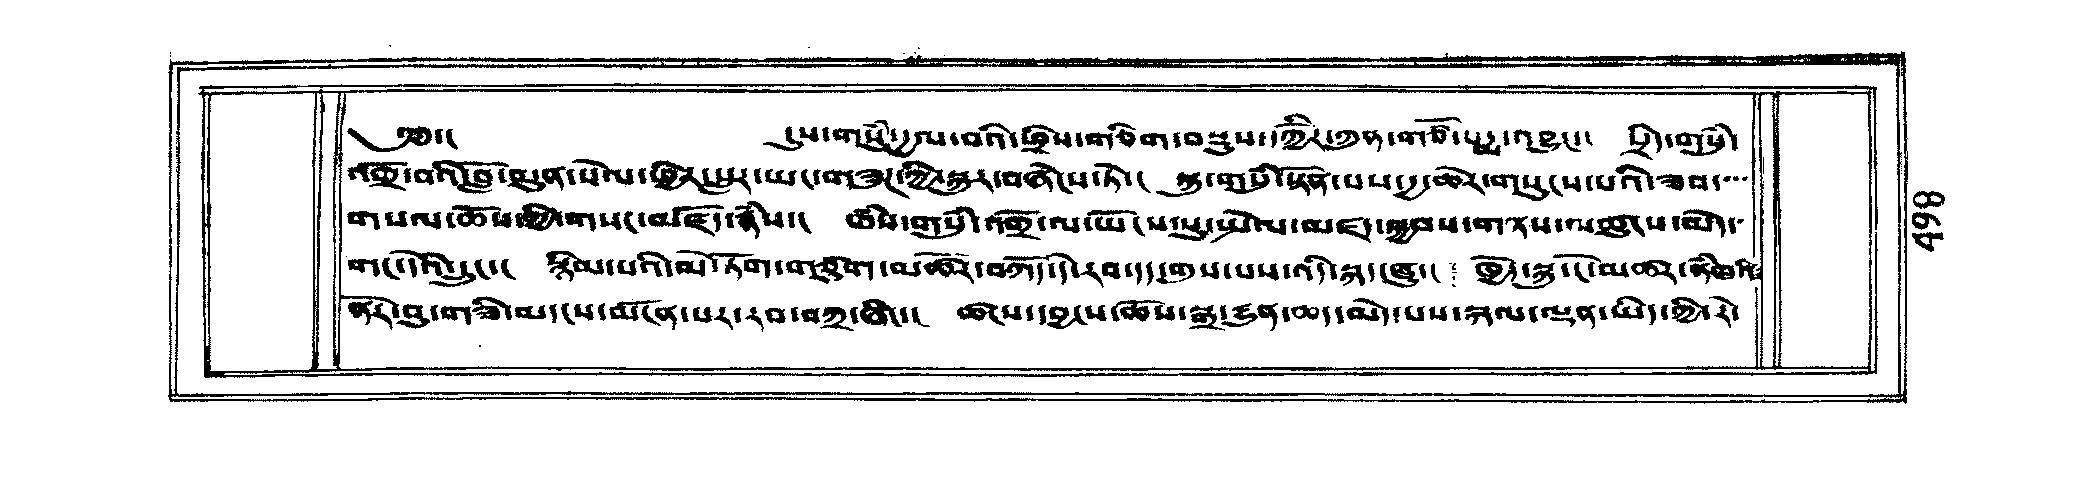དུས་གསུམ་རྒྱལ་བའི་ཕྲིན་ལས་གཅིག་བསྡུས་དཀྱིལ་འཁོར་ཀུན་གཙོ་པདྨ་འབྱུང་། །སྲིད་གསུམ་
འགྲོ་བའི་བློ་མུན་སེལ་ཕྱིར་སླར་ཡང་གཟུགས་ཀྱི་སྐུར་བཞེངས་ཏེ། །སྐུ་གསུམ་སྟོན་པས་རྒྱ་ཆེར་གསུངས་པའི་ཟབ་
གསལ་ཆོས་ཀྱི་གསང་མཛོད་རྣམས། །ཁམས་གསུམ་འགྲོ་ལ་ཡོངས་སུ་སྤེལ་མཛད་སྐྱབས་གནས་མཚུངས་མེད་
གང་དེའི་དྲུང་། །སྙིམ་པའི་མེ་ཏོག་གཙུག་མཚོར་བཀོད་དེ་རབ་དད་གུས་པས་འདི་སྐད་ཞུ། །ཁྱོད་སྐུ་ངོ་མཚར་ནམ་མཁའི་
ནོར་བུ་གཟི་མདངས་མངོན་པར་རབ་བཀྲ་ཞིང་། །ཚངས་དབྱངས་ཆོས་སྒྲ་རྒྱུན་ཆད་མེད་པས་སྐལ་ལྡན་ཡིད་ཀྱི་རེ་